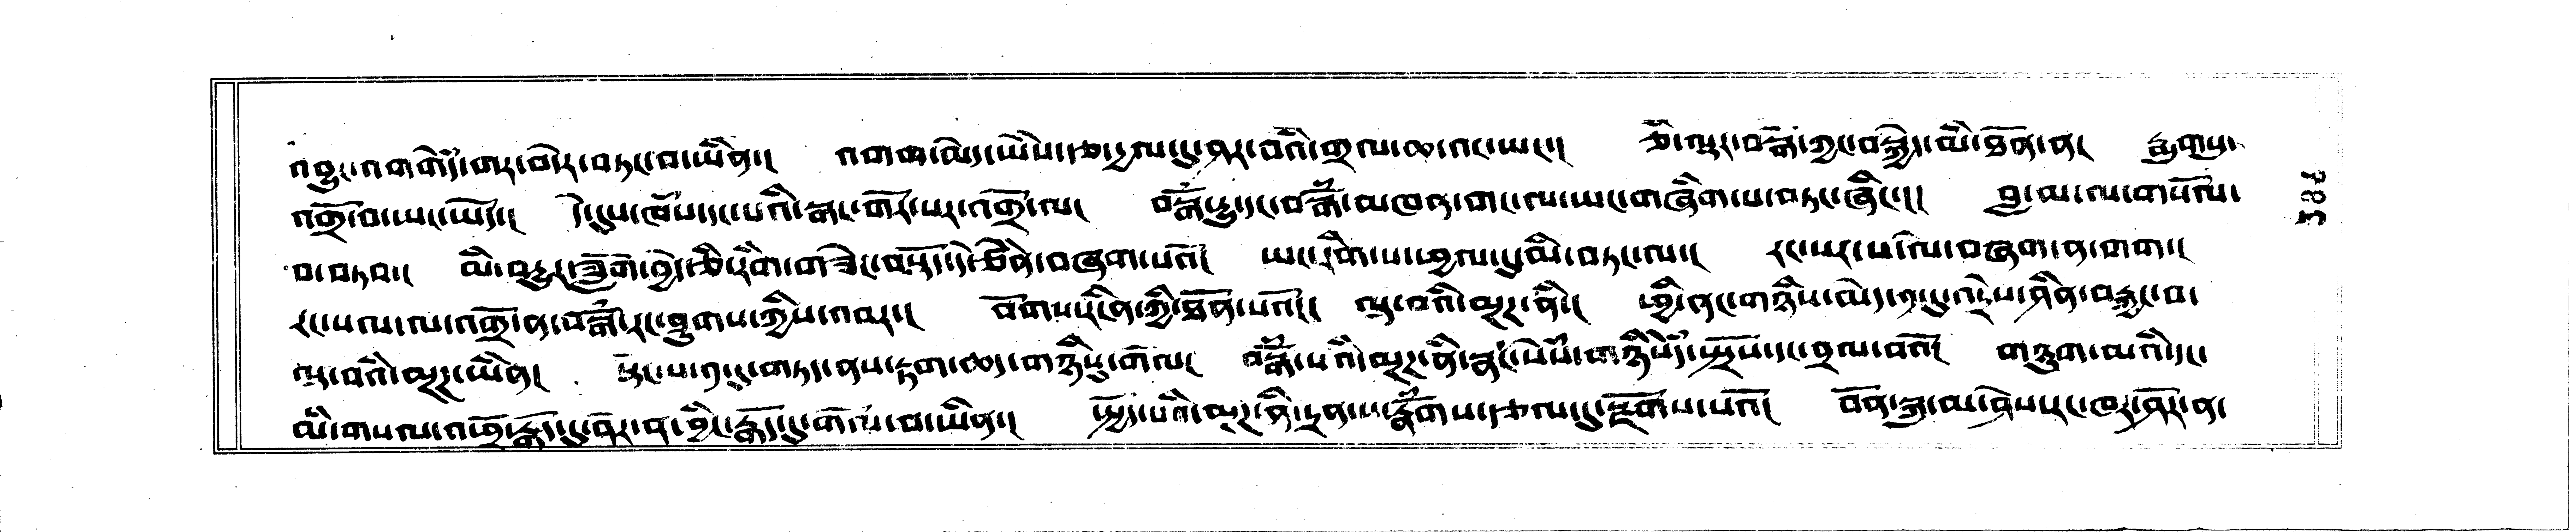འབྱུང་གྷག་༼འགག༽མེད་གར་བདེར་བཏང་བ་གྲོལ་ཆ་ཡིན། གྷག་(འགག)མེད་ཡེ་ཤེས་རྩེ་རྒྱལ་དུ་ཤར་བའི་གྲོལ་ཆ་མི་འོང་ནས། ཇི་ལྟར་སྒོམ་ཀྱང་སྐྱེད་མི་ཐོན་ནས། བྱིང་རྨུག་དུ་
འགྲོ་བ་ཡང་ཡོད་དོ། དེའི་དུས་ལ་འཁམས་དང་པའི་སྒང་འགུལ་སར་འགྲོ་ལ། སྒོམ་རྒྱུ་དང་སྒོམ་མཁན་ཡང་གང་ལ་གཞིག་པ་བཏང་ཅིང་། བླ་མ་ལ་གསོལ་
བ་བཏབ། མིག་གིས་བསྒྱུར་བཟློག་བྱེད་ཅིང་རིག་པ་གཟིང་བསྟོད་སྟེ་ཙེན་ཙེན་བཞག་པའོ། ཡང་རིག་པ་ཕྱལ་དུ་མི་བཏང་ལ། རང་སར་སལེ་བཞག་ན། གགས་
རང་སོར་ལ་འགྲོ་ནས། སྒོམ་རང་ཤུགས་ཏུ་འབར། བོག་རང་བཞིན་གྱིས་ཐོན་པའོ། ལྟ་བའི་མེན་ངག་ནི། ཕྱིན་‘‘ནང”གཉིས་མེད་དུ་སྲེ་ཞིང་སྐྱོང་བ་
ལྟ་བའི་མེན་ངག་ཡིན། སྟོང་པ་ཅིག་ཏུ་གཏད་ན་རྟག་ཆད་གཉིས་སུ་གོལ། སྒོམ་པའི་མེན་ངག་སྣང་སེམས་དབྱེར་མེད་སྤྲོས་དང་བྲལ་བའོ། གཉུག་མ་དོན་དུ་
མི་གསལ་འཕྲོ་རྒོད་དུ་ཤོར་ན། བྱིང་རྒོད་དུ་གོལ་བ་ཡིན། སྤྱོད་པའི་མེན་ངག་དྲན་པ་རྣམ་རྟོག་དུ་རྫོགས་པའོ། བོན་སྐུ་མ་མ་ཤེས་རང་སར་ཁ་‘‘ར”ཤོར་ན་